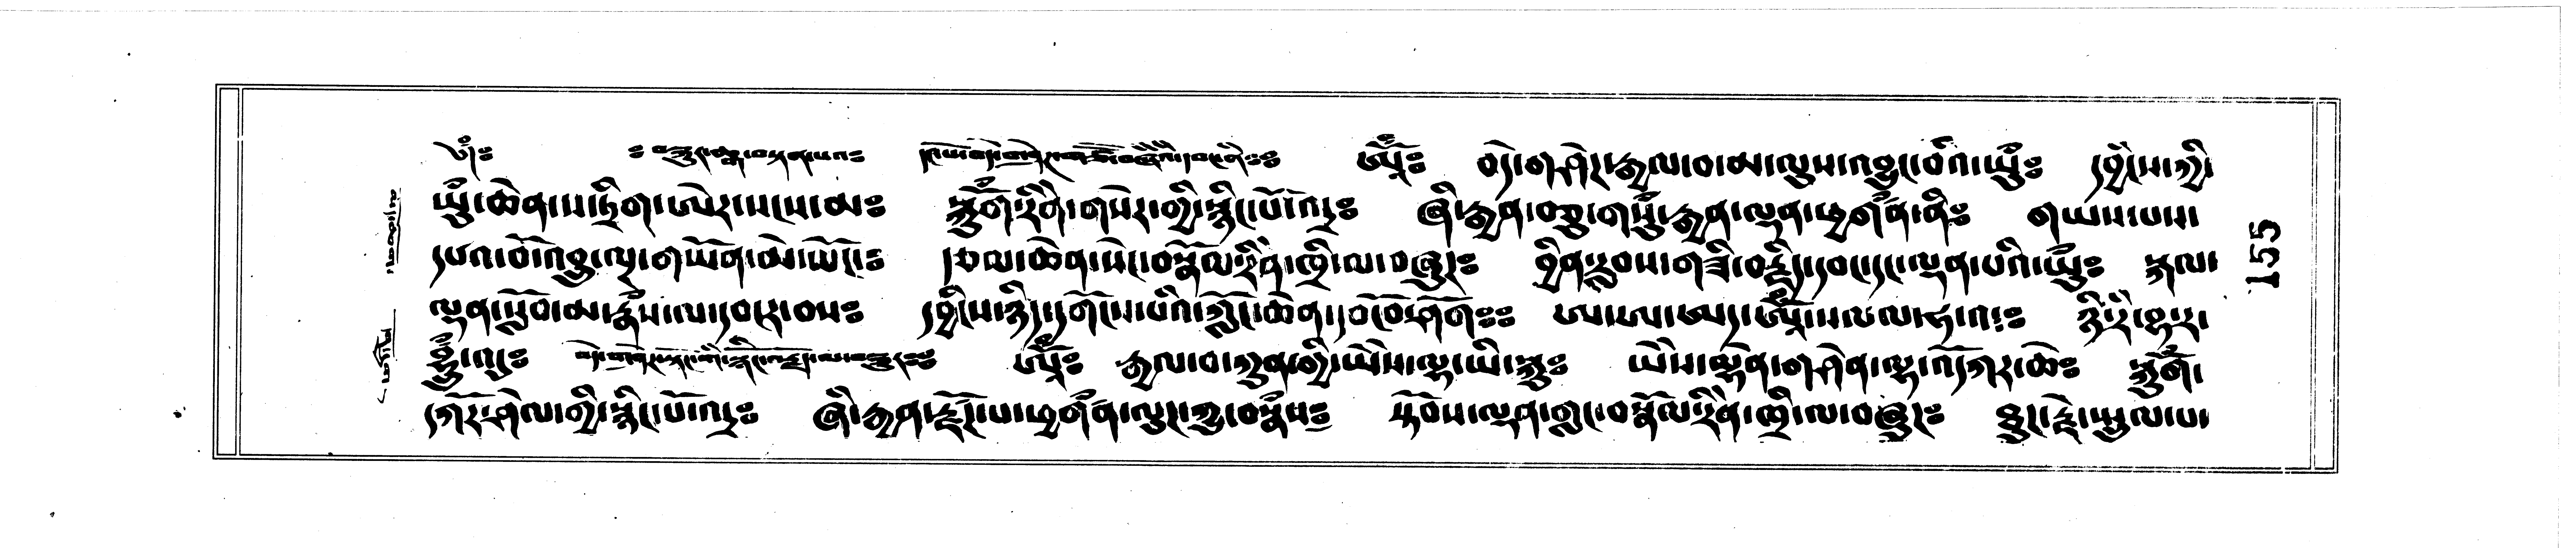བསྐུར་ཆོ་ག་བསྟན་པའོཿ དང་པོ་བདེར་གཤེགས་གཙོ་བཞིའི་དབང་ནིཿ ཨཱོྃ་བདེར་གཤེགས་རྒྱལ་བ་མ་ལུས་འབྱུང་བའི་ཡུམཿ དབྱིངས་ཀྱི་
ཡུམ་ཆེན་ས་ཏྲིག་ཨེར་སངས་མཿ སྐུ་མདོག་རིན་ཆེན་གསེར་གྱི་སྙིང་པོ་འདྲཿ ཞི་རྒྱན་བཅུ་གསུམ་རྒྱན་ལྡན་ཕྱག་མཚན་ནིཿ གཡས་པས་
དཔའ་བོ་འབྲུ་ལྔ་གཡོན་མེ་ལོངཿ རྩལ་ཆེན་སེང་བསྣོལ་རིན་ཆེན་ཁྲི་ལ་བཞུགསཿ བྱིན་རླབས་གཟི་བརྗིད་དབང་དང་ལྡན་པའི་ཡུམཿ སྐལ་
ལྡན་སློབ་མ་རྣམས་ལ་དབང་བསྐུར་བསཿ དབྱིངས་ཉིད་དགོངས་པའི་ཀློང་ཆེན་དབང་ཐོབ་ཤོགཿ ཨ་ཨ་ཨད་ཨཱོྃ་སལ་སལ་ཧ་འ་ ཉི་རི་བྷ་ར་
བྷྲུཾ་འདུཿ བདེར་གཤེགས་སྟོང་གི་སྙིང་པོ་བརྗོད་ལ་བསྐུརཿ ཨཱོྃཿ རྒྱལ་བ་ཀུན་གྱི་ཡེ་ཤེས་ལྷ་ཡི་སྐུཿ ཡེ་ཤེས་ལྷ་ཆེན་གཤེན་ལྷ་འོད་དཀར་ཆེཿ སྐུ་མདོག་
དཀར་པོ་ཤེལ་གྱི་སྙིང་པོ་འདྲཿ ཞི་རྒྱན་རྫོགས་པ་ཕྱག་མཚན་ལྕཀྱུ་བསྣམསཿ སྟོབས་ལྡན་གླང་བསྣོལ་རིན་ཆེན་ཁྲི་ལ་བཞུགསཿ ཐུགས་རྗེ་སྤྲུལ་པ་